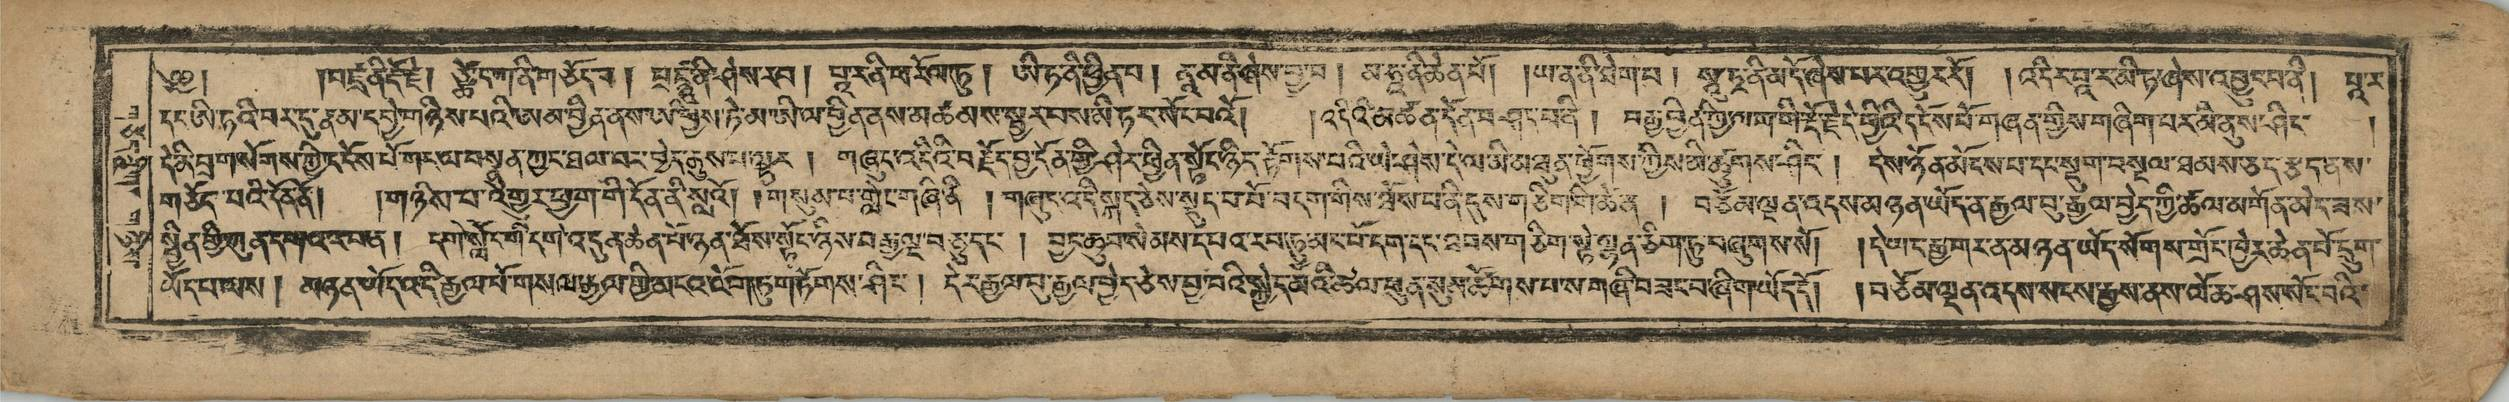༄༅། །བཛྲ་ནི་རྡོ་རྗེ། ཙྪེ་ད་ཀ་ནི་གཅོད་པ། པྲཛྙཱ་ནི་ཤེས་རབ། པཱ་ར་ནི་ཕ་རོལ་ཏུ། ཨི་ཏ་ནི་ཕྱིན་པ། ནཱ་མ་ནི་ཞེས་བྱ་བ། མ་ཧཱ་ནི་ཆེན་པོ། །ཡ་ན་ནི་ཐེག་པ། སཱུ་ཏྲ་ནི་མདོ་ཞེས་པར་འགྱུར་རོ། །འདིར་པཱ་ར་མི་ཏ་ཞེས་འབྱུང་བ་ནི། པཱ་ར་
དང་ཨི་ཏའི་བར་དུ་རྣམ་དབྱེ་གཉིས་པའི་ཨམ་བྱིན་ནས་ཨཾ་བྱས་ཏེ་མ་ཨི་ལ་བྱིན་ནས་མཚམས་སྦྱར་བས་མི་ཏར་སོང་བའོ། །འདིའི་མཚན་དོན་བཤད་པ་ནི། བརྒྱ་བྱིན་ཀྱི་ལག་གི་རྡོ་རྗེ་དེ་ཕྱིའི་དངོས་པོ་གཞན་གྱིས་གཞིག་པར་མི་ནུས་ཤིང་། དེའི་རི་
བྲག་སོགས་ཀྱི་དངོས་པོ་གང་ལ་བསྣུན་ཀྱང་ཐལ་བར་བྱེད་ནས་བལྟར། གཞུང་འདིའི་བརྗོད་བྱ་དོན་གྱིཤེལ་ཕྱིན་སྟོང་ཉིད་རྟོགས་པའི་ཡེ་ཤེས་དེ་ལ་མི་མཐུན་ཕྱོགས་ཀྱིས་མི་ཚུགས་ཤིང་། དེས་ཉོན་མོངས་པ་དང་སྡུག་བསྔལ་ཐམས་ཅད་རྩད་ནས་
གཅོད་པའི་དོན་ནོ། གཉིས་པ་འགྱུར་ཕྱག་གི་དོན་ནི་སླ་འོ། །གསུམ་པ་གླིང་བཞིའི། གཞུང་འདི་སྨད་ཅེས་སྡུད་པ་པོ་བདག་གིས་ཐོས་པ་ནི་དུས་གཅིག་གི་ཚེ་ན། །བཅོམ་ལྡན་འདས་མཉན་ཡོད་ན་རྒྱལ་བུ་རྒྱལ་བྱེད་ཀྱི་ཚལ་མགོན་མེད་ཟས་
སྦྱིན་གྱི་ཀུན་དགའ་ར་བ་ན། དགེ་སློང་གི་དགེ་འདུན་ཆེན་པོ་ཉན་ཐོས་སྟོང་ཉིས་བརྒྱ་ལྔ་བཅུ་དང་། བྱང་ཆུབ་སེམས་དཔའ་རབ་ཏུ་མང་པོ་དག་དང་ཐབས་གཅིག་སྟེ་ལྷན་ཅིག་ཏུ་བཞུགས་སོ། །དེ་ཡང་རྒྱ་གར་ན་མཉན་ཡོད་སོགས་གྲོང་ཁྱེར་ཆེན་པོ་དྲུག་
ཡོད་པ་ལས། མཉན་ཡོད་འདི་རྒྱལ་པོ་གསལ་རྒྱལ་གྱི་མངའ་འོག་ཏུ་གཏོགས་ཤིང་། དེར་རྒྱལ་པུ་རྒྱལ་བྱེད་ཅེས་བྱ་བའི་སྐྱེད་མོའི་ཚལ་ཕུན་སུམ་ཚོགས་པས་གཞི་བཟང་བ་ཡོད་དོ། བཅོམ་ལྡན་འདས་སངས་རྒྱས་ནས་ལོ་ཆ་ཤས་སོང་བའི་